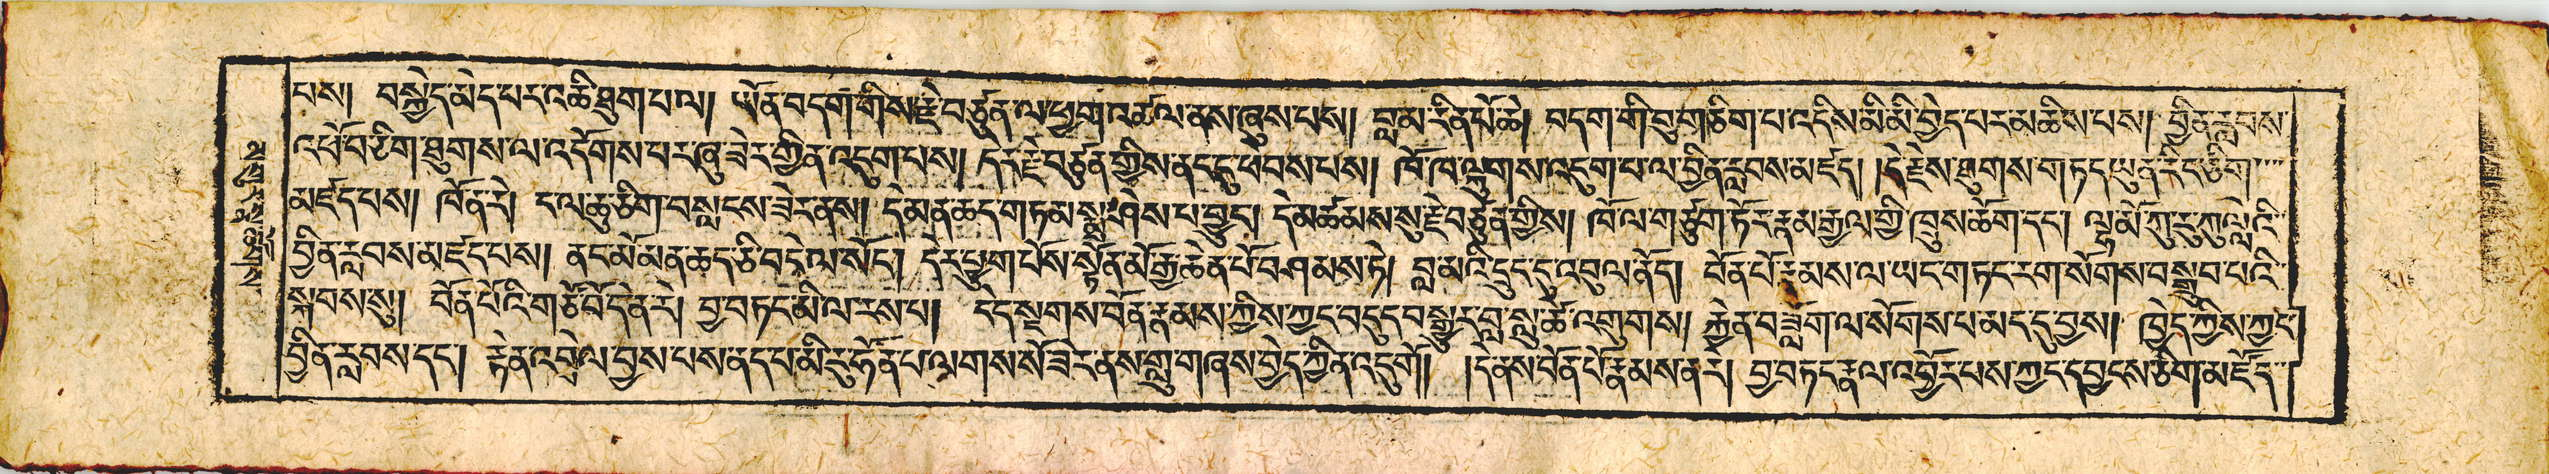པས། བསྐྱེད་མེད་པར་འཆི་ཐུག་པ་ལ། ཡོན་བདག་གིས་རྗེ་བཙུན་ལ་ཕྱག་འཚལ་ནས་ཞུས་པས། བླ་མ་རིན་པོ་ཆེ། བདག་གི་བུ་གཅིག་པ་འདིས་མི་མི་བྱེད་པར་མཆིས་པས། བྱིན་རླབས་
འཕོ་བ་ཅིག་ཐུགས་ལ་འདོགས་པར་ཞུ་ཟེར་གྱིན་འདུག་པས། དེར་རྗེ་བཙུན་གྱིས་ནང་དུ་ཕེབས་པས། ཁོ་ཁ་ལྐུགས་འདུག་པ་ལ་བྱིན་རླབས་མཛད། །དེ་རྗེས་ཐུགས་གཏད་ཡུན་རིང་ཅིག་
མཛད་པས། ཁོ་ན་རེ། ང་ལ་ཆུ་ཅིག་བསླངས་ཟེར་ནས། དེ་མན་ཆད་གཏམ་སྨྲ་ཤེས་པ་བྱུང་། དེ་མཚམས་སུ་རྗེ་བཙུན་གྱིས། ཁོ་ལ་གཙུག་ཏོར་རྣམ་རྒྱལ་གྱི་ཁྲུས་ཆོག་དང་། ལྷ་མོ་ཀུ་རུ་ཀུ་ལླེའི་
བྱིན་རླབས་མཛད་པས། ནང་མོ་མན་ཆད་ཅི་བདེ་ལ་སོང་། དེར་ཕྱུག་པོས་སྟོན་མོ་རྒྱ་ཆེན་པོ་བཤམས་ཏེ། བླ་མའི་དྲུང་དུ་འབུལ་ནོད། བོན་པོ་རྣམས་ལ་ཡང་གཏང་རག་སོགས་བསྒྲུབ་པའི་
སྐབས་སུ། བོན་པོའི་གཙོ་བོ་དེ་ན་རེ། བྱ་བཏང་མི་ལ་རས་པ། ངེད་སྔགས་བོན་རྣམས་ཀྱིས་ཀྱང་བདུད་བསྒྱུར་བླ་བསླུ་ཚེ་འགུགས། རྐྱེན་བཟློག་ལ་སོགས་པ་མང་དུ་བྱས། ཁྱེད་ཀྱིས་ཀྱང་
བྱིན་རླབས་དང་། རྟེན་འབྲེལ་བྱས་པས་ནད་པ་མི་རུ་ཧོན་པ་ལགས་སོཟེར་ནས་གླུ་གཞས་བྱེད་ཀྱིན་འདུགོ། །དེ་ནས་བོན་པོ་རྣམས་ན་རེ། བྱ་བཏང་རྣལ་འབྱོར་པས་ཀྱང་དབྱངས་ཅིག་མཛོད་